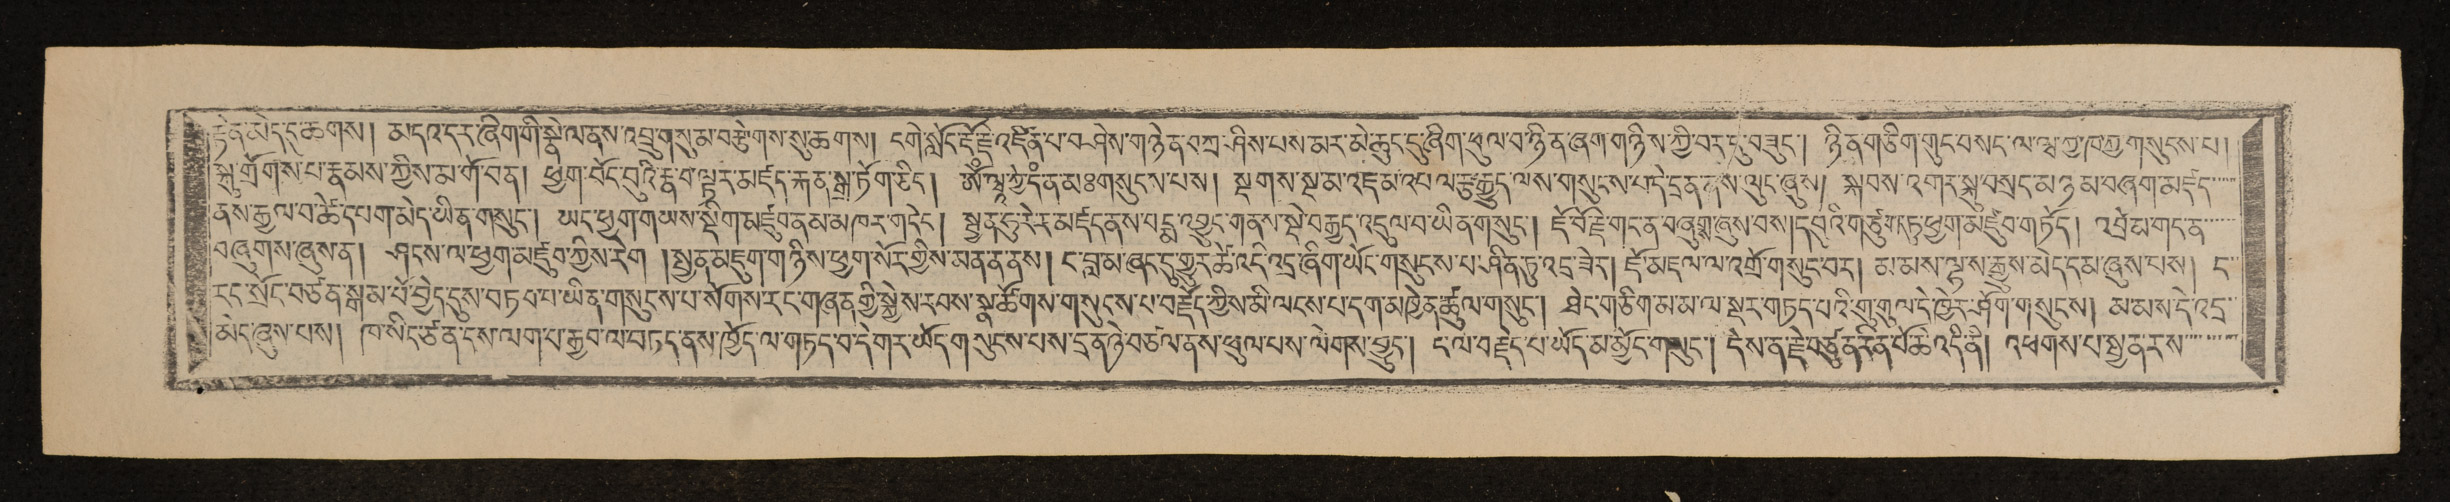རྟེན་མེད་དུ་ཆགས། མདའ་དར་ཞིག་གི་སྣེལ་ནས་འབྲུ་གསུམ་བརྩེགས་སུ་ཆགས། དགེ་སློང་རྡོ་རྗེ་འཛིན་པ་བཤེས་གཉེན་བཀྲ་ཤིས་པས་མར་མེ་ཆུང་ངུ་ཞིག་ཕུལ་བ་ཉིན་ཞག་གཉིས་ཀྱི་བར་དུ་བཟུང་། ཉིན་གཅིག་གུང་བསང་ལ་ཝ་ཀྱ་ཁ་ཀྱ་གསུངས་པ།
སྐུ་གྲོགས་པ་རྣམས་ཀྱིས་མགོ་བ་ན། ཕྱག་བོང་བུའི་རྣ་བ་ལྟར་མཛད་རྐན་སྒྲ་ཏོག་ཅིང་། ཨོཾ་ཝཱ་ཀྱེ་དཾ་ན་མཿགསུངས་པས། སྔགས་སྔ་མ་འཇམ་དཔལ་རྩ་རྒྱུད་ལས་གསུངས་པ་དེ་དྲན་ནས་ལུང་ཞུས། སྐབས་འགར་སྐུ་བསྲང་མཉམ་བཞག་མཛད་
ནས་རྒྱལ་བ་ཚེ་དཔག་མེད་ཡིན་གསུང་། ཡང་ཕྱག་གཡས་སྡིག་མཛུབ་ནམ་མཁར་གདེང་། སྦྱན་ཧུ་རེར་མཛད་ནས་པདམ་འབྱུང་གནས་སྡེ་བརྒྱད་འདུལ་བ་ཡིན་གསུང་། ཇོ་བོ་རྗེ་གདན་བཞུགས་ཞུས་བས། དབུའི་གཙུག་ཏུ་ཕྱག་མཛུབ་གཏོད། འབྲོམ་གང་ན་
བཞུགས་ཞུས་ན། ཤངས་ལ་ཕྱག་མཛུབ་ཀྱིས་རེག །སྤྱན་མཇུག་གཉིས་ཕྱག་སོར་གྱིས་མནན་ནས། ང་བླ་མ་ཞང་དུ་གྱུར་ཚེ་འདི་འདྲ་ཞིག་ཡོད་གསུངས་པ་ཤིན་ཏུ་འདྲ་ཟེར། ཇོ་མཇལ་ལ་འགྲོ་གསུང་བར། མ་མས་ལྷ་ས་རྒྱུས་མེད་དམ་ཞུས་པས། ང་
རང་སྲོང་བཙན་སྒམ་པོ་བྱེད་དུས་བཏབ་པ་ཡིན་གསུངས་པ་སོགས་རང་གཞན་གྱི་སྐྱེས་རབས་སྣ་ཚོགས་གསུངས་པ་བརྗོད་ཀྱིས་མི་ལངས་པ་དག་མཁྱེན་ཚུལ་གསུང་། ཐེང་གཅིག་མ་མ་ལ་སྔར་གཏད་པའི་གུ་གུལ་དེ་ཁྱེར་ཤོག་གསུངས། མ་མས་དེ་འདྲ་
མེད་ཞུས་པས། ཁ་སིང་ཙན་ངས་ལག་པ་རྒྱབ་ལ་བཏད་ནས་ཁྱོད་ལ་གཏད་པ་དེ་གར་ཡོད་གསུངས་པས་དྲན་ཉེ་བཙལ་ནས་ཕུལ་བས་ལེགས་བྱུང་། ངལ་བརྗེད་པ་ཡོད་མ་མྱོང་གསུང་། དེས་ན་རྗེ་བཙུན་རིན་པོ་ཆེ་འདི་ནི། འཕགས་པ་སྤྱན་རས་